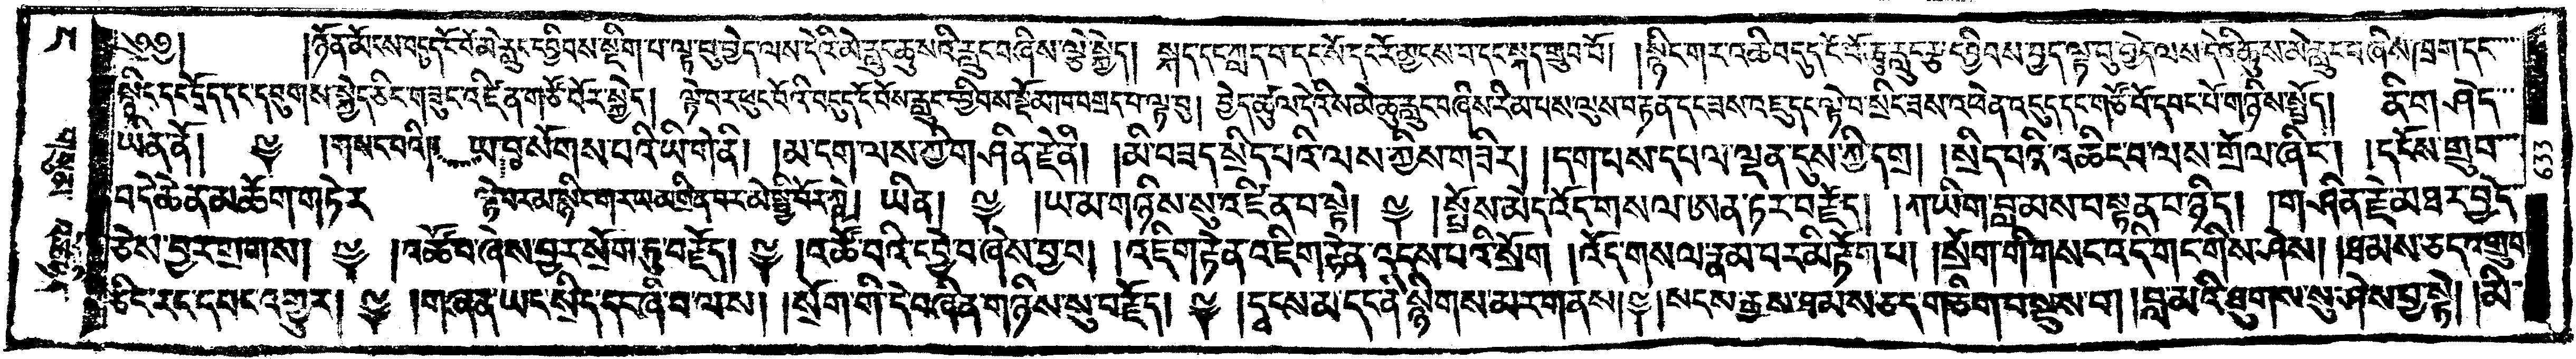༄༅། །ཉོན་མོངས་བདུད་ངོ་བོ་མེ་རླུང་དབྱིབས་སྡིག་པ་ལྟ་བུ་བྱེད་ལས་དེའི་མེ་རླུང་ཆུ་སའི་རླུང་བཞིས་ལྕེ་སྐྱེད། སྐད་དང་ཀླད་བ་དང་སོ་དང་རོ་མྱངས་པ་དང་སྐད་གྲུབ་པོ། །སྙིང་གར་འཆི་བདུད་ངོ་བོ་ཆུ་རླུང་རྩ་དབྱིབས་བྱད་ལྟ་བུ་བྱེད་ལས་དེའི་ཆུ་ས་མེ་རླུང་བཞིས་ཁྲག་དང་
སྙིང་དང་དྲོད་དང་དབུགས་སྐྱེད་ཅིང་གཟུང་འཛིན་གཙོ་བོར་སྐྱེད། ལྟེ་བར་ཕུང་བོའི་བདུད་ངོ་བོས་རླུང་དབྱིབས་སྔོམ་ཁ་བགྲང་བ་ལྟ་བུ། བྱེད་ཚུལ་དེའི་ས་མེ་ཆུ་རླུང་བཞིས་རིམ་པས་ལུས་བརྟན་དང་ཟས་འཇུ་དང་ལྟེ་བ་སྲིང་ཟས་འཕེན་འདུད་དང་གཙོ་བོ་དབང་པོ་གཉིས་སྤྲོད། ནི་གཤེད་
ཡིན་ནོ། ༈ །གསང་བའི། ཡ་བ་སོགས་པའི་ཡི་གེ་ནི། །མ་དག་ལས་ཀྱི་གཤིན་རྗེ་ནི། །མི་བཟད་སྲིད་པའི་ལས་ཀྱིས་གཟིར། །དག་པས་དཔལ་ལྡན་དུས་ཀྱི་དགྲ། །སྲིད་པའི་འཆིང་བ་ལས་གྲོལ་ཞིང་། །དངོས་གྲུབ་
བདེ་ཆེན་མཆོག་གཏེར་ལྟེ་བར་མ་སྙིང་གར་ཡ་མགྲིན་བར་མེ་སྦྱི་བོར་ཀྵེ། ཡིན། ༈ །ཡ་མ་གཉིས་སུ་འཛིན་བ་སྟེ། ༈ །སྤྲོས་མེད་འོད་གསལ་ཨན་ཏར་བརྗོད། །ཀ་ཡིག་བླ་མས་བསྟན་པ་ཉིད། །གཤིན་རྗེ་མཐར་བྱེད་
ཅེས་བྱར་གྲགས། ༈ །འཚོ་བ་ཞེས་བྱར་སྲོག་ཏུ་བརྗོད། ༈ །འཚོ་བའི་དབྱེ་བ་ཞེས་བྱ་བ། འཇིག་རྟེན་འཇིག་རྟེན་འདས་པའི་སྲོག །འོད་གསལ་རྣམ་པར་མི་རྟོག་པ། །སྲོག་གི་གསང་འདི་གང་གིས་ཤེས། །ཐམས་ཅད་འགྲུབ་
ཅིང་རང་དབང་འགྱུར། ༈ །གཞན་ཡང་སྲིད་དང་ཞི་བ་ལས། །སྲོག་གི་དེ་བཞིན་གཉིས་སུ་བརྗོད། ༈ །དྭངས་མ་དང་ནི་སྙིགས་མར་གནས། ༈ །སངས་རྒྱས་ཐམས་ཅད་གཅིག་བསྡུས་པ། །བླ་མའི་ཐུགས་སུ་ཤེས་བྱ་སྟེ། །མི་